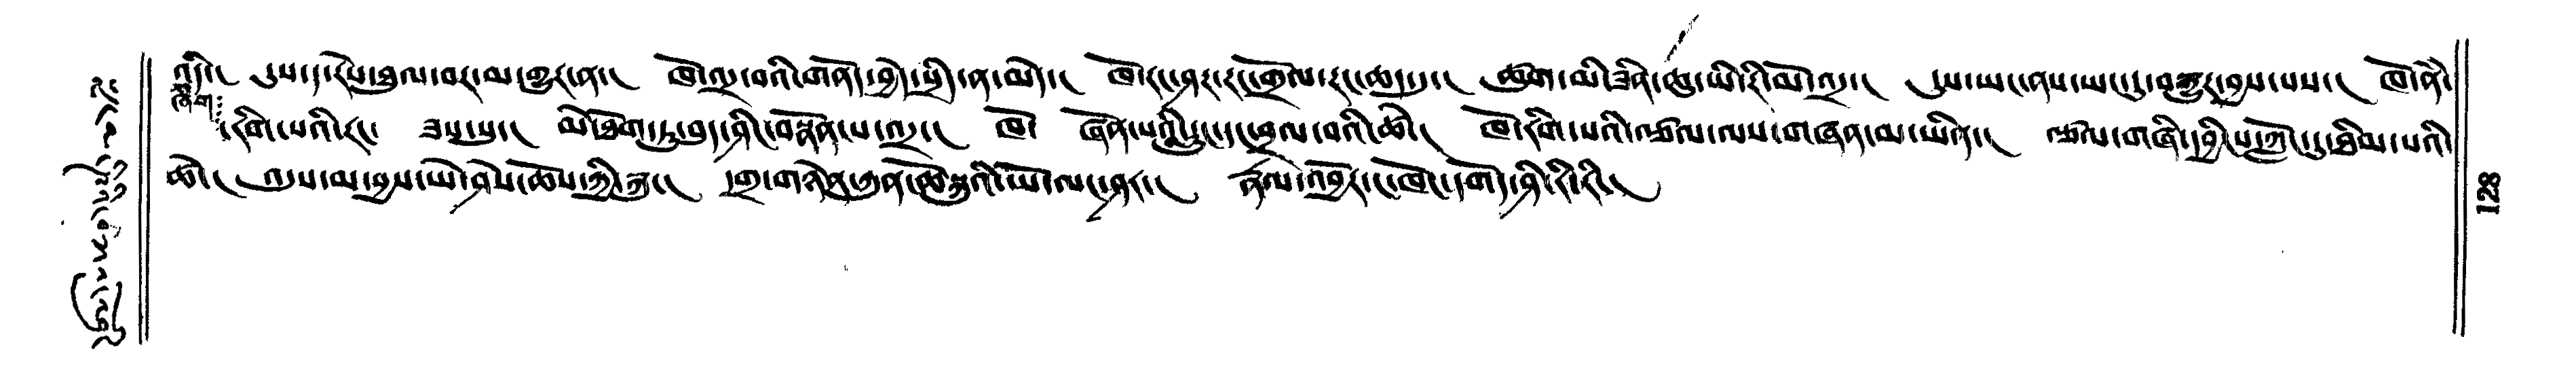འདི། །དུས་ད་རེས་ཐུལ་བར་མ་གྱུར་ན། ཁོ་འདྲ་བའི་གནོད་བྱེད་སྲིད་ན་མེད། ཁོ་རང་ཤར་རང་གྲོལ་རང་ཆད་དུ། །ཚུགས་མི་ཟིན་ཆུ་ཡི་རི་མོ་འདྲ། །དུས་ཡང་ནས་ཡང་དུ་བསྒྱུར་བྱས་པས། ཁོ་ནམ་
ཞིག་རིག་པའི་རང་ཟས་སུ། །མེ་ཐོག་ཏུ་བུད་ཤིང་བསྣོན་པ་འདྲ། ཁོ་བཞོན་པའི་རླུང་དང་བྲལ་བའི་ཚེ། ཁོ་རིག་པའི་རྩལ་ལས་གཞན་མ་ཡིན། །རྩལ་གཞི་དབྱིངས་ཀློང་དུ་ཐིམ་པའི་
ཚེ། །འདུས་མ་བྱས་ཡེ་ཤེས་ཆོས་ཀྱི་སྐུ། །དགྲ་གཉེན་ཀུན་ཆོས་སྐུའི་ཡོ་ལང་ཤར། །རྣལ་འབྱོར་ང་ཁོང་དགོད་ཤི་རི་རི།། དགེའོ།།